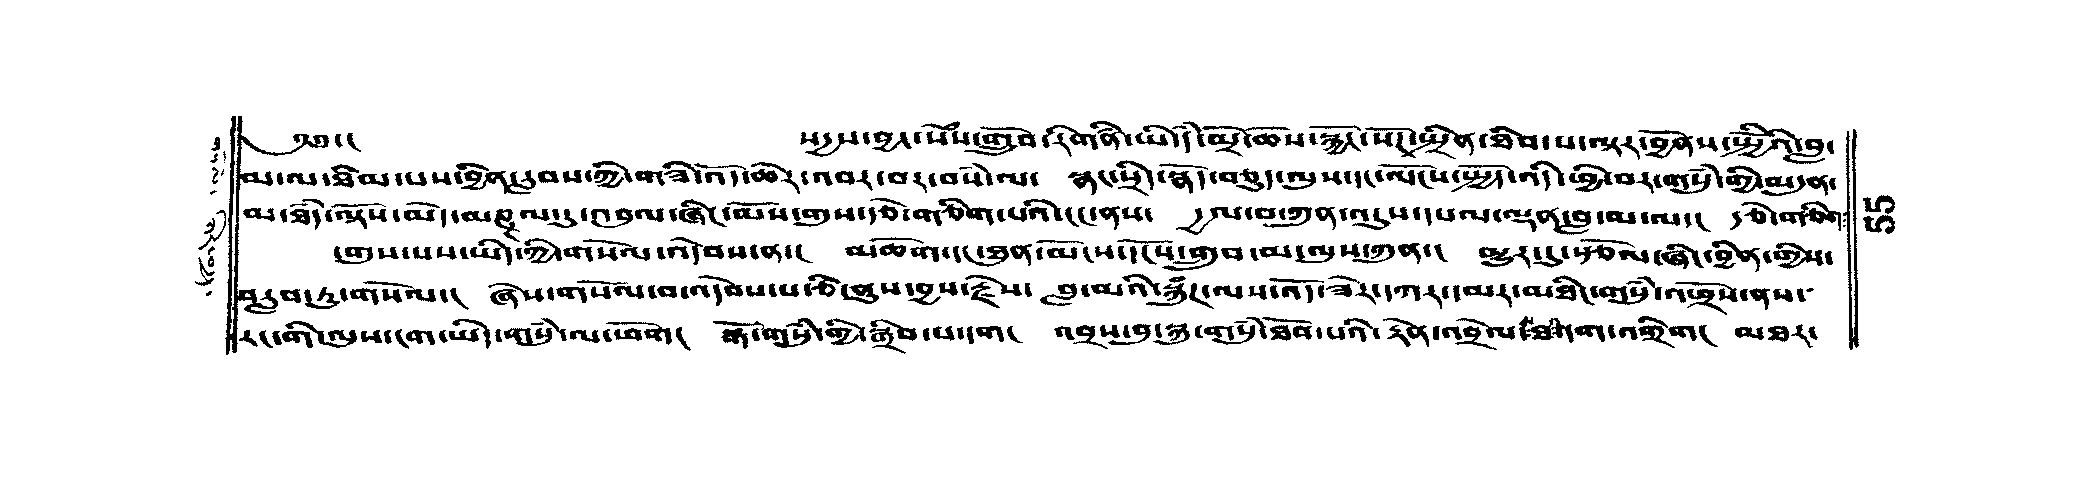སངས་རྒྱས་བྱང་སེམས་གྲུབ་ཐོབ་རིག་འཛིན་ཡིད་དམ་མཁའ་འགྲོ་ཆོས་སྐྱོང་སོགས་སྤྲིན་ཐིབ་པ་ལྟར་བྱོན་ནས་སྤྱི་བོའི་བླ་
མ་ལ་ཐིམ་པས་བྱིན་རླབས་ཀྱི་གཟི་འོད་ཆེར་འབར་བར་བསམ་ལ། སྣང་སྲིད་སྣོད་བཅུད་ལུས་དང་ལོངས་སྤྱོད་འདི་ཕྱི་བར་གསུམ་གྱི་མདུན་
མ་ཐམས་ཅད་ལྟོས་མེད་མཎྜལ་དུ་འབུལ་ཞིང་མོས་གུས་རྩེ་གཅིག་པའི་ངང་ནས། རྒྱལ་བ་ཀུན་འདུས་དཔལ་ལྡན་བླ་མ་ལ། །རྩེ་གཅིག་
གུས་པས་ཡིད་ཀྱི་གསོལ་འདེབས་ན། །མཆོག་དང་ཐུན་མོངས་དངོས་གྲུབ་མ་ལུས་ཀུན། །མྱུར་དུ་སྩོལ་ཞིང་བྱིན་གྱིས་
བརླབ་ཏུ་གསོལ། །ཞེས་གསོལ་བ་འདེབས་པ་ཅི་ནུས་བྱས་རྗེས། བླ་མའི་སྐུ་གཟུགས་ལས་འོད་ཟེར་དཀར་དམར་མཐིང་གསུམ་འཕྲོས་ནས་
རང་གི་ལུས་ངག་ཡིད་གསུམ་ལ་ཕོག སྒོ་གསུམ་གྱི་སྒྲིབ་པ་དག འབྲས་བུ་སྐུ་གསུམ་ཐོབ་པའི་རྟེན་འབྲེལ་མཐའ་དག་འགྲིག མཐར་